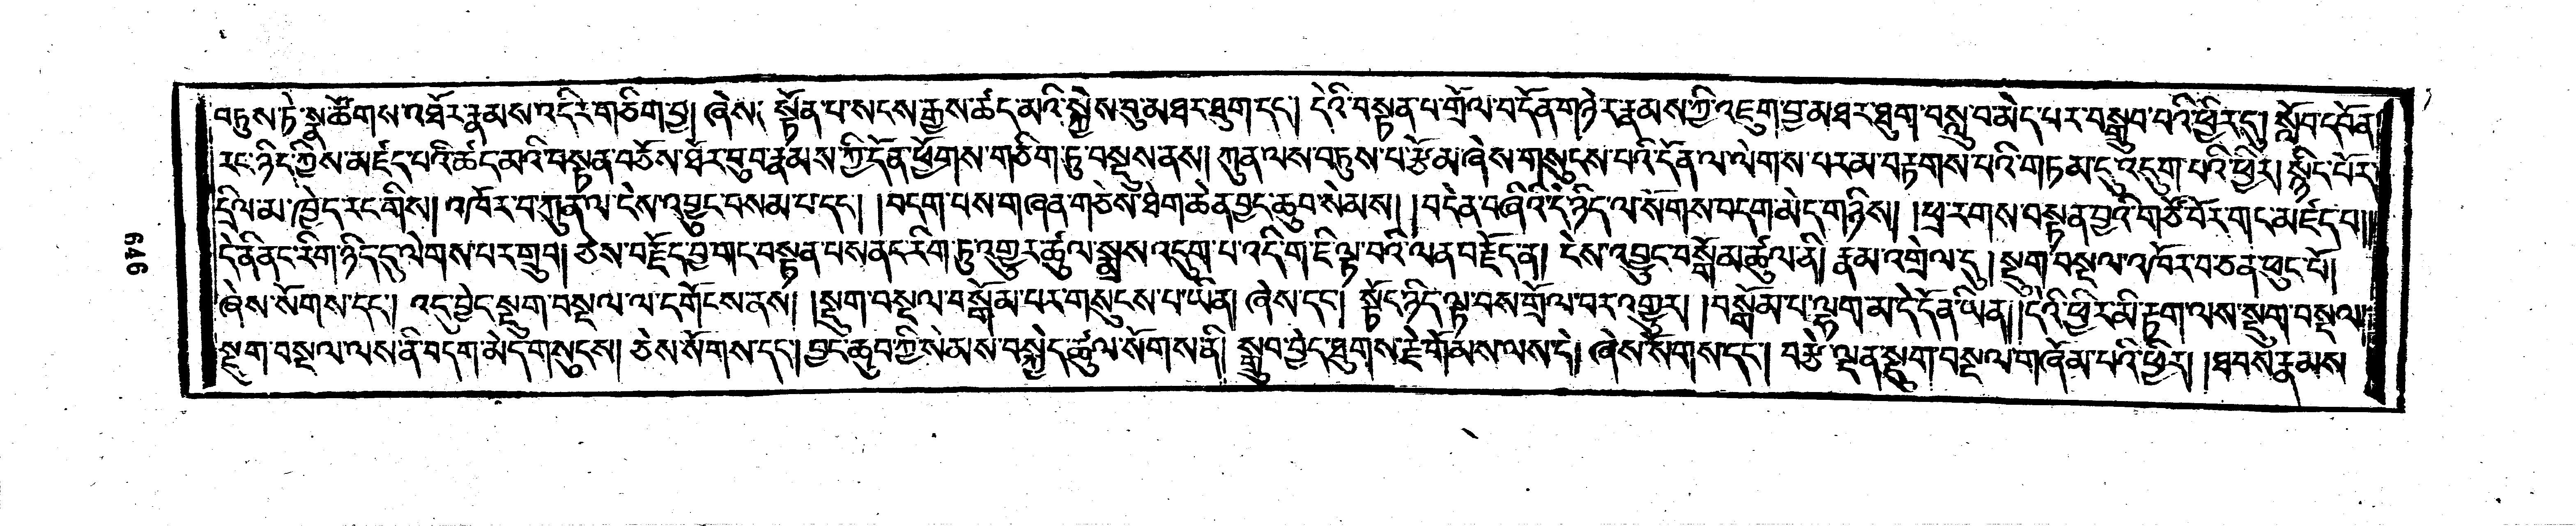བཏུས་ཏེ་སྣ་ཚོགས་འཐོར་རྣམས་འདིར་གཅིག་བྱ། ཞེས༑ སྟོན་པ་སངས་རྒྱས་ཚད་མའི་སྐྱེས་བུ་མཐར་ཐུག་དང་། དེའི་བསྟན་པ་གྲོལ་བ་དོན་གཉེར་རྣམས་ཀྱི་འཇུག་བྱ་མཐར་ཐུག་བསླུ་བ་མེད་པར་བསྒྲུབ་པའི་ཕྱིར་དུ། སློབ་དཔོན་
རང་ཉིད་ཀྱིས་མཛད་པའི་ཚད་མའི་བསྟན་བཅོས་ཐོར་བུ་བ་རྣམས་ཀྱི་དོན་ཕྱོགས་གཅིག་ཏུ་བསྡུས་ནས། ཀུན་ལས་བཏུས་པ་རྩོམ་ཞེས་གསུངས་པའི་དོན་ལ་ལེགས་པར་མ་བརྟགས་པའི་གཏམ་དུ་འདུག་པའི་ཕྱིར། སྙིང་པོར་
དྲིལ་ན། ཁྱེད་རང་གིས། འཁོར་བ་ཀུན་ལ་ངེས་འབྱུང་བསམ་པ་དང་། །བདག་པས་གཞན་གཅེས་ཐེག་ཆེན་བྱང་ཆུབ་སེམས། །བདེན་བཞིའི་དེ་ཉིད་ལ་སོགས་བདག་མེད་གཉིས། །ཕྲ་རགས་བསྟན་བྱའི་གཙོ་བོར་གང་མཛད་པ།།
དེ་ནི་ནང་རིག་ཉིད་དུ་ལེགས་པར་གྲུབ། ཅེས་བརྗོད་བྱ་གང་བསྟན་པས་ནང་རིག་ཏུ་འགྱུར་ཚུལ་སྨྲས་འདུག་པ་འདི་ག་ཇི་ལྟ་བའི་ལན་བརྗོད་ན། ངེས་འབྱུང་བསྒོམ་ཚུལ་ནི། རྣམ་འགྲེལ་དུ། སྡུག་བསྔལ་འཁོར་བ་ཅན་ཕུང་པོ།
ཞེས་སོགས་དང་། འདུ་བྱེད་སྡུག་བསྔལ་ལ་དགོངས་ནས། །སྡུག་བསྔལ་བསྒོམ་པར་གསུངས་པ་ཡིན། ཞེས་དང་། སྟོང་ཉིད་ལྟ་བས་གྲོལ་བར་འགྱུར། །བསྒོམ་པ་ལྷག་མ་དེ་དོན་ཡིན། །དེའི་ཕྱིར་མི་རྟག་ལས་སྡུག་བསྔལ།།
སྡུག་བསྔལ་ལས་ནི་བདག་མེད་གསུངས། ཅེས་སོགས་དང་། བྱང་ཆུབ་ཀྱི་སེམས་བསྐྱེད་ཚུལ་སོགས་ནི། སྒྲུབ་བྱེད་ཐུགས་རྗེ་གོམས་ལས་དེ། ཞེས་སོགས་དང་། བརྩེ་ལྡན་སྡུག་བསྔལ་གཞོམ་པའི་ཕྱིར། །ཐབས་རྣམས་